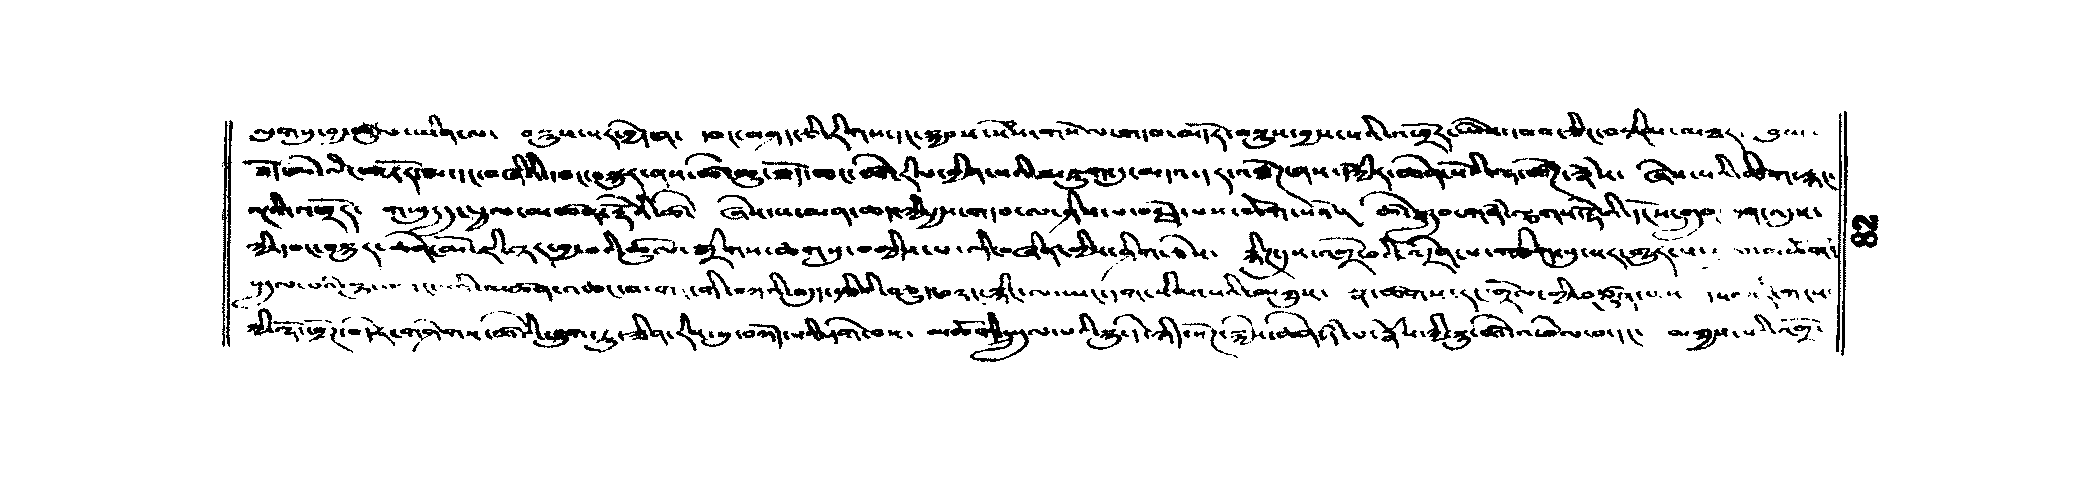ལུགས་སུ་བྱ་ཚུལ་ཡིན་ལ། བསྡུས་པར་བྱེད་ན། དབང་བཤད་ཅི་རིགས་དག་སྐྱབས་སེམས་གསོལ་བ་མདོར་བསྡུས་བྱས་པའི་འཕྲོར་ཡེ་ཤེས་དབབ་ཅིང་བསྟིམ་མཐར། བུམ་
ཐོད་མེ་ལོང་གཏོར་མ་དང་བཞིའི་དབང་བསྐུར་ནས་ཚེ་ཆུ་ཐོད་ཆང་ཚེ་རིལ་བྱིན་པའི་མཇུག་ཏུ་མདའ་དར་འཐོགས་ནས་དཀྱིལ་འཁོར་ཆེན་པོའི་ལྷ་ཚོགས་རྣམས། ཞེས་པའི་ཚིག་རྐང་
ལྔའི་འཕྲོར། གཡུ་དྲུང་རྒྱལ་མཚན་རྡོ་རྗེའི་ཚེ། ཞེས་པ་མན་ཆད་ཀྱི་རྒྱས་གདབ་ལ་ཤིས་པ་བརྗོད་པས་ཆོག་པའོ། ཚེ་སྒྲུབ་གནམ་ལྕགས་རྡོ་རྗེའི་དངོས་གྲུབ་་་་མཆོག 
སྤྲུལ་པའི་སྐུ་བཟང་པའི་མཚན་འཆང་བ་གང་གི་བཀའི་བདུད་རྩིའི་བཅུད་བཟང་སྙིང་ལ་ཡང་དག་སིམ་པའི་མཐུས། སྣ་ཚོགས་རང་གྲོལ་གྱི་བཙུན་པས་དཔལ་རི་གངས་
ཀྱི་ལྷོ་ཕྱོགས་བདེ་གཤེགས་ཚེའི་ཕུག་ཏུ་ཟིན་རིས་སུ་བཀོད་པའི་དགེ་བས་མཆོག་གི་སྤྲུལ་པའི་སྐུ་དེ་ཉིད་སོགས་སྐྱེས་ཆེན་དམ་པ་རྣམས་ཀྱི་སྐུ་ཚེ་འཕེལ་བ་དང་།མཐའ་ཡས་པའི་འགྲོ་